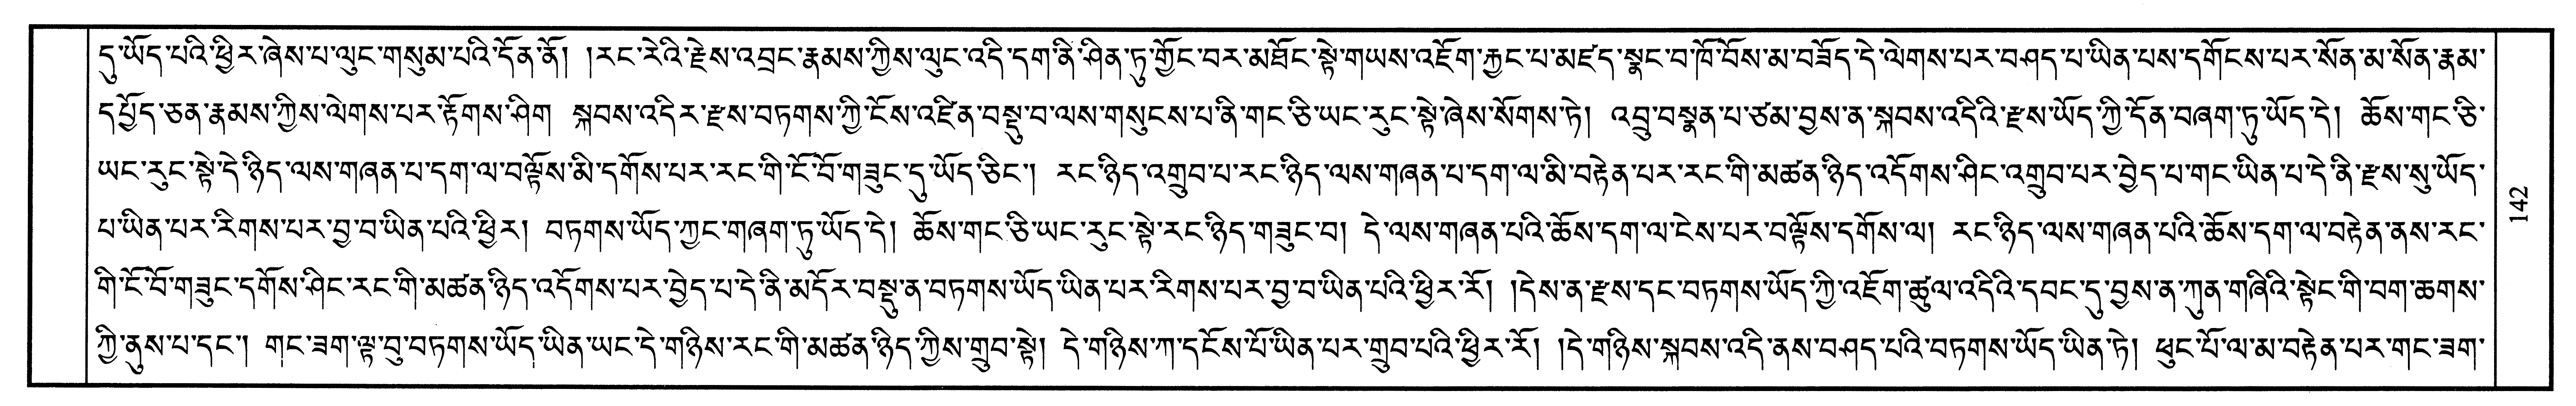དུ་ཡོད་པའི་ཕྱིར་ཞེས་པ་ལུང་གསུམ་པའི་དོན་ནོ། །རང་རེའི་རྗེས་འབྲང་རྣམས་ཀྱིས་ལུང་འདི་དག་ནི་ཤིན་ཏུ་གྱོང་བར་མཐོང་སྟེ་གཡས་འཇོག་རྐྱང་པ་མཛད་སྣང་བ་ཁོ་བོས་མ་བཟོད་དེ་ལེགས་པར་བཤད་པ་ཡིན་པས་དགོངས་པར་སོན་མ་སོན་རྣམ་
དཔྱོད་ཅན་རྣམས་ཀྱིས་ལེགས་པར་རྟོགས་ཤིག་སྐབས་འདིར་རྫས་བཏགས་ཀྱི་ངོས་འཛིན་བསྡུ་བ་ལས་གསུངས་པ་ནི་གང་ཅི་ཡང་རུང་སྟེ་ཞེས་སོགས་ཏེ། འབྲུ་བསྣན་པ་ཙམ་བྱས་ན་སྐབས་འདིའི་རྫས་ཡོད་ཀྱི་དོན་བཞག་ཏུ་ཡོད་དེ། ཆོས་གང་ཅི་
ཡང་རུང་སྟེ་དེ་ཉིད་ལས་གཞན་པ་དག་ལ་བལྟོས་མི་དགོས་པར་རང་གི་ངོ་བོ་གཟུང་དུ་ཡོད་ཅིང་། རང་ཉིད་འགྲུབ་པ་རང་ཉིད་ལས་གཞན་པ་དག་ལ་མི་བརྟེན་པར་རང་གི་མཚན་ཉིད་འདོགས་ཤིང་འགྲུབ་པར་བྱེད་པ་གང་ཡིན་པ་དེ་ནི་རྫས་སུ་ཡོད་
པ་ཡིན་པར་རིགས་པར་བྱ་བ་ཡིན་པའི་ཕྱིར། བཏགས་ཡོད་ཀྱང་གཞག་ཏུ་ཡོད་དེ། ཆོས་གང་ཅི་ཡང་རུང་སྟེ་རང་ཉིད་གཟུང་བ། དེ་ལས་གཞན་པའི་ཆོས་དག་ལ་ངེས་པར་བལྟོས་དགོས་ལ། རང་ཉིད་ལས་གཞན་པའི་ཆོས་དག་ལ་བརྟེན་ནས་རང་
གི་ངོ་བོ་གཟུང་དགོས་ཤིང་རང་གི་མཚན་ཉིད་འདོགས་པར་བྱེད་པ་དེ་ནི་མདོར་བསྡུ་ན་བཏགས་ཡོད་ཡིན་པར་རིགས་པར་བྱ་བ་ཡིན་པའི་ཕྱིར་རོ། །དེས་ན་རྫས་དང་བཏགས་ཡོད་ཀྱི་འཇོག་ཚུལ་འདིའི་དབང་དུ་བྱས་ན་ཀུན་གཞིའི་སྟེང་གི་བག་ཆགས་
ཀྱི་ནུས་པ་དང་། གང་ཟག་ལྟ་བུ་བཏགས་ཡོད་ཡིན་ཡང་དེ་གཉིས་རང་གི་མཚན་ཉིད་ཀྱིས་གྲུབ་སྟེ། དེ་གཉིས་ཀ་དངོས་པོ་ཡིན་པར་གྲུབ་པའི་ཕྱིར་རོ། །དེ་གཉིས་སྐབས་འདི་ནས་བཤད་པའི་བཏགས་ཡོད་ཡིན་ཏེ། ཕུང་པོ་ལ་མ་བརྟེན་པར་གང་ཟག་